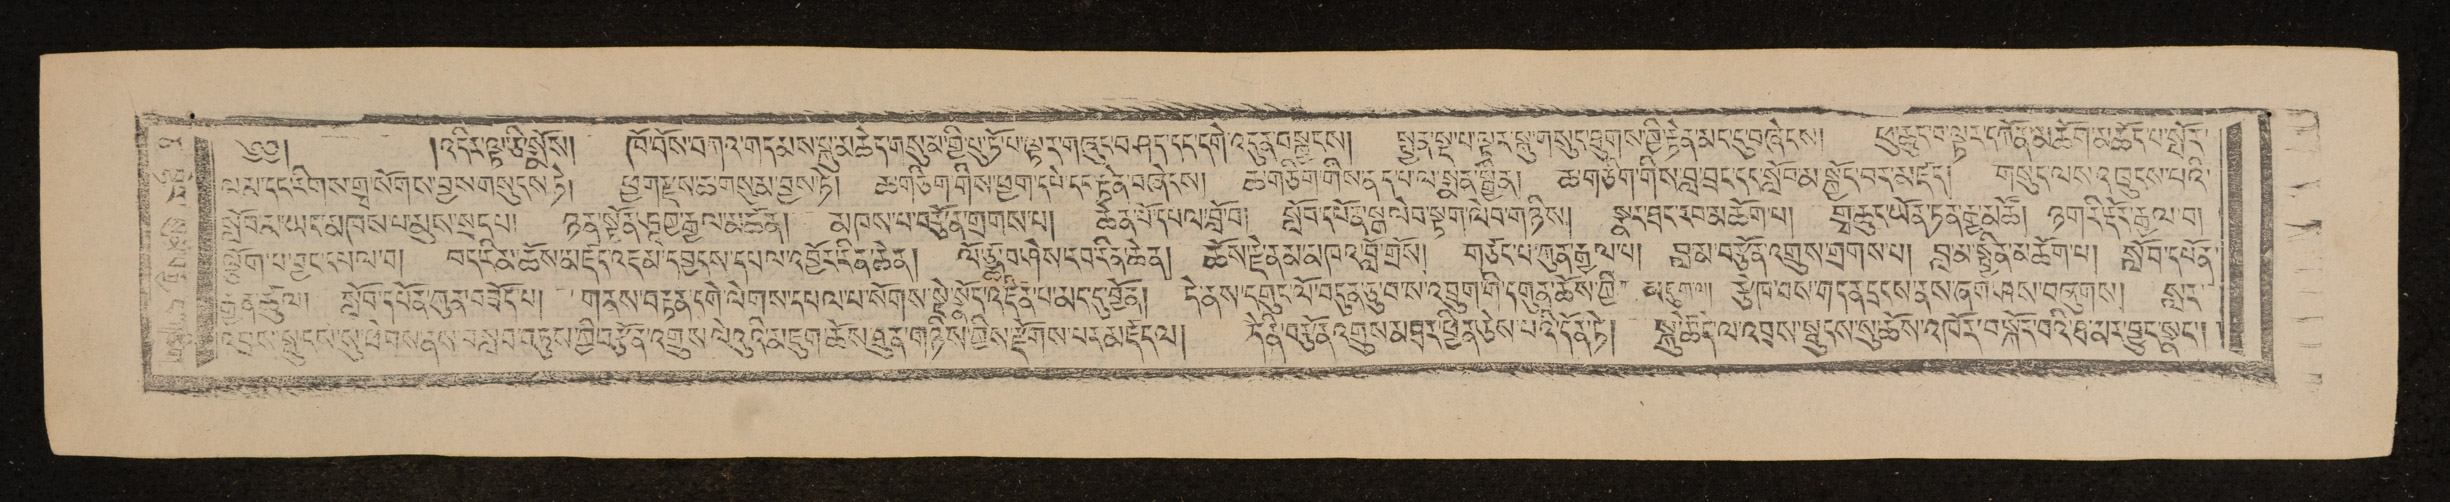༄༅། །འདིར་ལྟ་ཅི་སྨོས། ཁོ་བོས་བཀའ་གདམས་སྐུ་མཆེད་གསུམ་གྱི་པུ་ཏོ་བ་ལྟར་གཞུང་བཤད་དང་དགེ་འདུན་པ་སྐྱངས། སྤྱན་སྔ་པ་ལྟར་སྐུ་གསུང་ཐུགས་ཀྱི་རྟེན་མང་དུ་བཞེངས། ཕུ་ཆུང་བ་ལྟར་དཀོན་མཆོག་མཆོད་པ་སྨོན་
ལམ་དང་རིགས་གྲྭ་སོགས་བྱས་གསུངས་ཏེ། ཕྱག་རྫས་ཆ་གསུམ་བྱས་ཏེ། ཆ་གཅིག་གིས་ཕྱག་དཔེ་དང་རྟེན་བཞེངས། ཆ་གཅིག་གིས་ནད་པ་ལ་སྨན་སྦྱིན། ཆ་གཅིག་གིས་བླ་བྲང་དང་སློབ་མ་སྐྱོང་བར་མཛད། གསུང་ལས་འཁྲུངས་པའི་
སློབ་མ་ཡང་མཁས་པ་མུས་སྲད་པ། ཉན་སྟོན་ཤཱཀྱ་རྒྱལ་མཚན། མཁས་པ་བརྩོན་གྲགས་པ། ཆེན་པོ་དཔལ་བློ་བ། སློབ་དཔོན་སྒ་ལེབ་སྟག་ལེབ་གཉིས། སྣར་ཐང་རབ་མཆོག་པ། གྲྭ་ཆུང་ཡོན་ཏན་རྒྱ་མཚོ། ཉག་རི་རྡོར་རྒྱལ་བ།
ལྕོག་པ་བྱང་དཔལ་བ། བང་རིམ་ཆོས་མཛད་འཇམ་དབྱངས་དཔལ་འབྱོར་རིན་ཆེན། ལོཙྪ་བ་ཤེས་རབ་རིན་ཆེན། ཆོས་རྗེ་ནམ་མཁའ་བློ་གྲོས། གཙང་པ་ཀུན་རྒྱལ་པ། བླ་མ་བརྩོན་འགྲུས་གྲགས་པ། བླ་མ་སྦྱིན་མཆོག་པ། སློབ་དཔོན་
རྒྱན་ཚུལ། སློབ་དཔོན་ཀུན་བཟོད་པ། གནས་བརྟན་དགེ་ལེགས་དཔལ་པ་སོགས་སྡེ་སྣོད་འཛིན་པ་མང་དུ་བྱོན། དེ་ནས་དགུང་ལོ་བདུན་ཅུ་པ་ས་འབྲུག་གི་དགུན་ཆོས་ཀྱི་མཇུག་ལ། རྩེ་ཁ་བས་གདན་དྲངས་ནས་ཞག་ཤས་བཞུགས། སླར་
འབྲས་སྤུངས་སུ་ཕེབས་ནས་བསླབ་བཏུས་ཀྱི་བརྩོན་འགྲུས་ལེའུའི་མཇུག་ཆོས་ཐུན་གཉིས་ཀྱིས་རྫོགས་པར་མཛད་ལ། དེ་ནི་བརྩོན་འགྲུས་མཐར་ཕྱིན་ཅེས་པའི་དོན་ཏེ། སྐུ་ཚེ་དེ་ལ་འབྲས་སྤུངས་སུ་ཆོས་འཁོར་བསྐོར་བའི་ཐ་མར་བྱུང་སྣང་།